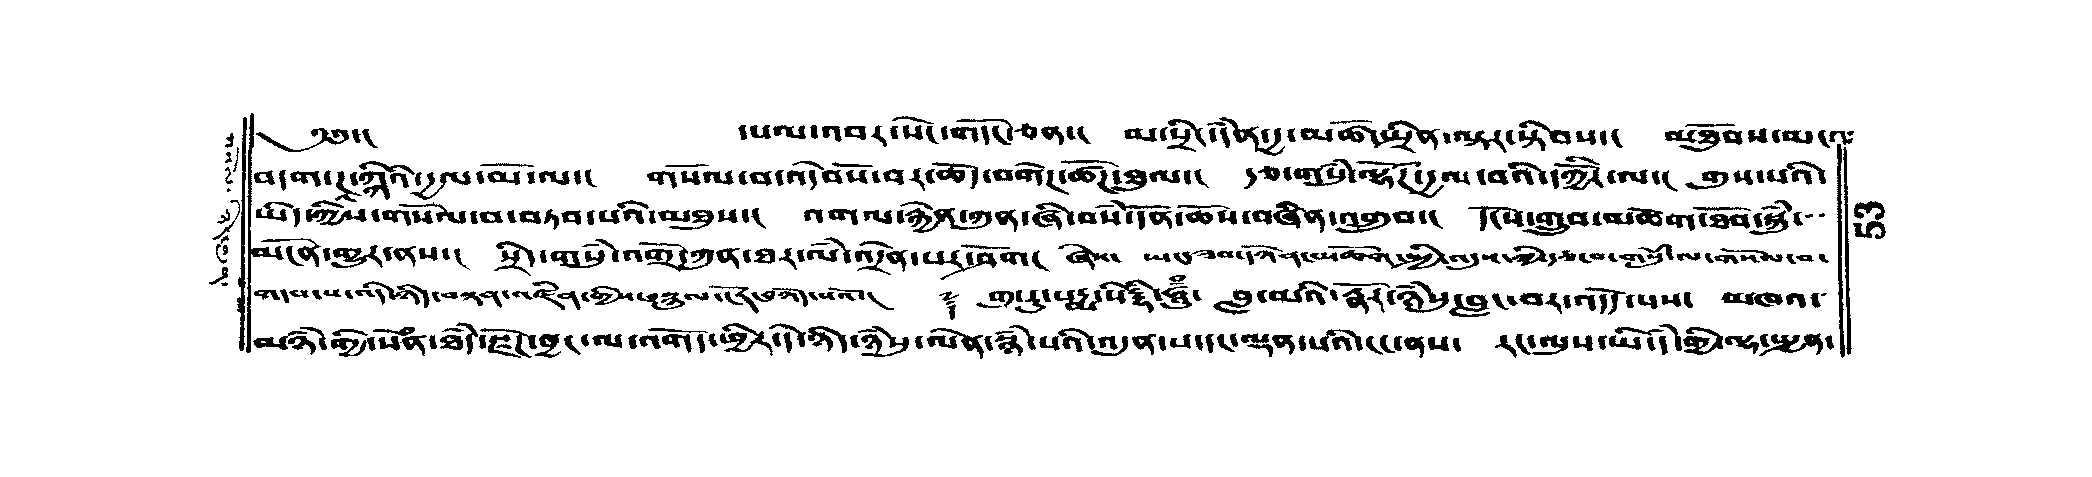དཔལ་འབར་སེང་གདོང་ཅན། །མ་སྲིང་དམ་ཅན་རྒྱ་མཚོ་སྤྲིན་ལྟར་གཏིབས། །མཐུ་སྟོབས་མངའ་
བདག་ཌཱཀྐའི་རྒྱལ་མོ་ལ། །གསོལ་བ་འདེབས་སོ་བར་ཆད་བགེགས་ཚོགས་ཐུལ། །རྩ་གསུམ་ལྷ་ཚོགས་རྒྱལ་བའི་དཀྱིལ་འཁོར་ལ། །གུས་པའི་
ཡིད་ཀྱིས་གསོལ་བ་བཏབ་པའི་མཐུས། །འགལ་རྐྱེན་ཀུན་ཞི་བསམ་དོན་ཆོས་བཞིན་འགྲུབ། །དངོས་གྲུབ་མཆོག་ཐོབ་སྐུ་
གསུམ་མངོན་གྱུར་ནས། །སྲིད་གསུམ་འགྲོ་ཀུན་ཐར་ལམ་འདྲེན་པར་ཤོག ཞེས་ཡང་ཟབ་དཀོན་མཆོག་སྤྱི་འདུས་ཀྱི་རྩ་བ་གསུམ་ལ་གསོལ་བ་
གདབ་པ་འདི་ཉིད་བསྟན་འཛིན་གྱིས་སྐུལ་ངོར་བཀོད་པའོ།། ༈ གུ་རུ་པདྨ་སིདྡྷི་ཧཱུྃ བླ་མའི་རྣལ་འབྱོར་ཉམས་སུ་བླང་བར་འདོད་པས། མཁའ་
མཉམ་གྱི་སེམས་ཅན་ཐམས་ཅད་རྫོགས་བྱང་ལ་འགོད་ཕྱིར་དེ་ཉིད་ཉམས་སུ་ལེན་སྙམ་པའི་འདུན་པ་དང་ལྡན་པའི་ངང་ནས། རང་ལུས་ཡི་དམ་གྱི་ལྷ་སྤྱན